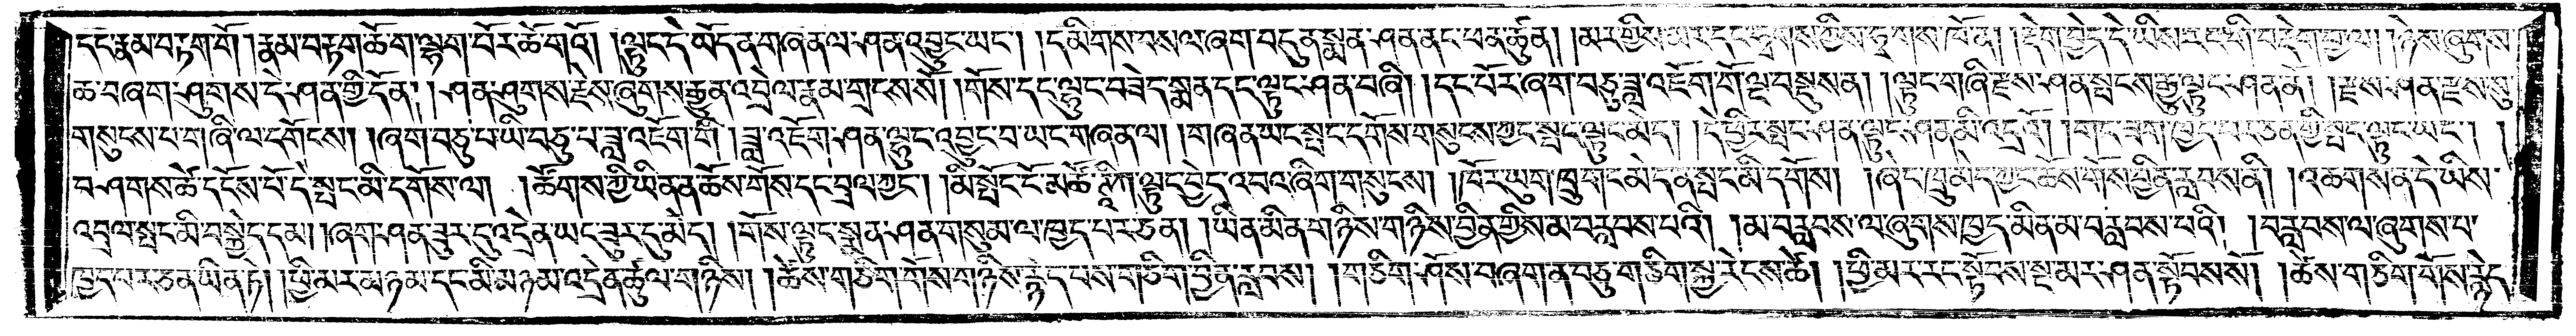དང་རྣམ་བརྟག་གོ །རྣམ་བརྟག་ཆོ་ག་ལྷག་པོར་ཆོ་གའོ། །ལྟུང་དེ་ཡོད་ན་གཞན་ལ་ཤན་འབྱུང་ཡང་། །དམིགས་བསལ་ཞག་བདུན་སྨན་ཤན་དང་ཕན་ཚུན། །མར་གྱིས་མར་དང་ཧགས་ཀྱིས་ཧགས་ཁོ་ན། །རྡེག་བྱེད་དེ་ཡིས་རང་གི་བརྡེག་བྱ་ལ། །ཉེས་ཞུགས་
ཆ་བཞག་ཤུགས་དེ་ཤན་གྱི་དོན། །ཤན་ཤུགས་རྗེས་ཞུགས་རྒྱུན་འབྲེལ་རྣམ་གྲངས་སོ། །གོས་དང་ལྷུང་བཟེད་སྨན་དང་ལྟུང་ཤན་བཞི། །དང་པོར་ཞག་བཅུ་ཟླ་འཇོག་གོ་ལྔ་བསྡུས་ན། །ལྟུང་གཞི་རྫས་ཤན་སྤངས་རྒྱུ་ལྟུང་ཤན་ནོ། །རྫས་ཤན་རྫས་སུ་
གསུངས་པ་གཞི་ལ་དགོངས། །ཞག་བཅུ་པ་ཡི་བཅུ་པ་ཟླ་འཇོག་གི། །ཟླ་འཇོག་ཤན་ལྷུང་འབྱུང་བ་ཡང་གཞན་ལ། །གཞན་ཡང་སྤང་དགོས་གསུངས་ཀྱང་སྤང་ལྟུང་མེད། །དེ་ཕྱིར་སྤང་ཤན་ལྟུང་ཤན་མི་འདྲའོ། །གང་ཟག་ཁྱད་པར་ཅན་གྱི་སྤང་ལྟུང་ཡང་། །
བཤགས་ཚེ་དངོས་པོ་དེ་སྤང་མི་དགོས་ལ། །ཚོགས་ཀྱི་ཡིན་ན་ཆོས་གོས་དང་བྲལ་ཀྱང་། །མི་སྤོང་ངོ་མཚོ་ཊཱིཀ་ལྟུང་བྱེད་འབའ་ཞིག་གསུངས། །ཁོར་ཡུག་ཁྲུ་གང་མེད་ན་སྤང་མི་དགོས། །ཞེང་ཁྲུ་མེད་ཀྱང་ཆོས་གོས་བྱིན་རླབས་ནི། །འཆགས་ན་དེ་ཡིས་
འབྲལ་སྤང་མི་བསྐྱེད་དམ། །ཞག་ཤན་ཟུར་དུ་འདྲེན་ཡང་ཟུར་དུ་མེད། །གོས་ལྟུང་སྨན་ཤན་གསུམ་ལ་ཁྱད་པར་ཅན། །ཡིན་མིན་གཉིས་གཉིས་བྱིན་གྱིས་མ་བརླབས་པའི། །མ་བརླབས་ལ་ཞུགས་ཁྱད་མིན་མ་བརླབས་པའི། །བརླུབས་ལ་ཞུགས་པ།
ཁྱད་པར་ཅན་ཡིན་ཏེ། །ཕྱི་མར་མཉམ་དང་མི་མཉམ་འདྲེན་ཚུལ་གཉིས། །ཚེས་གཅིག་གོས་གཉིས་རྙེད་པས་གཅིག་བྱིན་རླབས། །གཅིག་ཤོས་བཞག་ན་བཅུ་གཅིག་སྐྱ་རེངས་ཚེ། །ཕྱི་མར་རང་སྟོབས་སྔ་མར་ཤན་སྟོབས་སོ། །ཚེས་གཅིག་གོས་རྙེད་